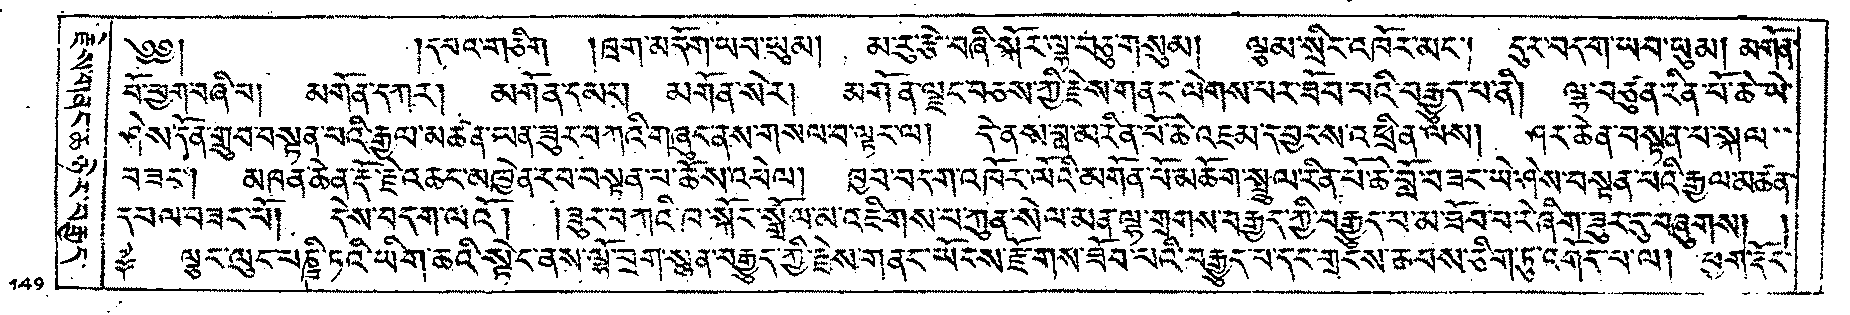༄༅། །དཔའ་གཅིག །ཁྲག་མདོག་ཡབ་ཡུམ། མ་རུ་རྩེ་བཞི་སྐོར་ལྷ་བཅུ་གསུམ། ལྕམ་སྲིང་འཁོར་མང་། དུང་བདག་ཡབ་ཡུམ། མགོན་
པོ་ཕྱག་བཞི་པ། མགོན་དཀར། མགོན་དམར། མགོན་སེར། མགོན་ལྗང་བཅས་ཀྱི་རྗེས་གནང་ལེགས་པར་ཐོབ་པའི་བརྒྱུད་པ་ནི། ལྷ་བཙུན་རིན་པོ་ཆེ་ཡེ་
ཤེས་དོན་གྲུབ་བསྟན་པའི་རྒྱལ་མཚན་ཡན་ཟུར་བཀའི་གཞུང་ནས་གསལ་བ་ལྟར་ལ། དེ་ནས་བླ་མ་རིན་པོ་ཆེ་འཇམ་དབྱངས་འཕྲིན་ལས། ཤར་ཆེན་བསྟན་པ་སྐལ་
བཟང་། མཁན་ཆེན་རྡོ་རྗེ་འཆང་མཁྱེན་རབ་བསྟན་པ་ཆོས་འཕེལ། ཁྱབ་བདག་འཁོར་ལོའི་མགོན་པོ་མཆོག་སྤྲུལ་རིན་པོ་ཆེ་བློ་བཟང་ཡེ་ཤེས་བསྟན་པའི་རྒྱལ་མཚན་
དཔལ་བཟང་པོ། དེས་བདག་ལའོ། །ཟུར་བཀའི་ཁ་སྐོང་སྒྲོལ་མ་འཇིགས་པ་ཀུན་སེལ་མན་ལྷ་གྲགས་བརྒྱད་ཀྱི་བརྒྱུད་པ་མ་ཐོབ་པ་རེ་ཞིག་ཟུར་དུ་བཞུགས། །
༈ ལྕང་ལུང་པཎྜི་ཏའི་ཡིག་ཆའི་སྟེང་ནས་ལྷོ་བྲག་སྙན་བརྒྱུད་ཀྱི་རྗེས་གནང་ཡོངས་རྫོགས་ཐོབ་པའི་བརྒྱུད་པ་དང་གྲངས་ཆབས་ཅིག་ཏུ་འགོད་པ་ལ། ཕྱག་རྡོར་